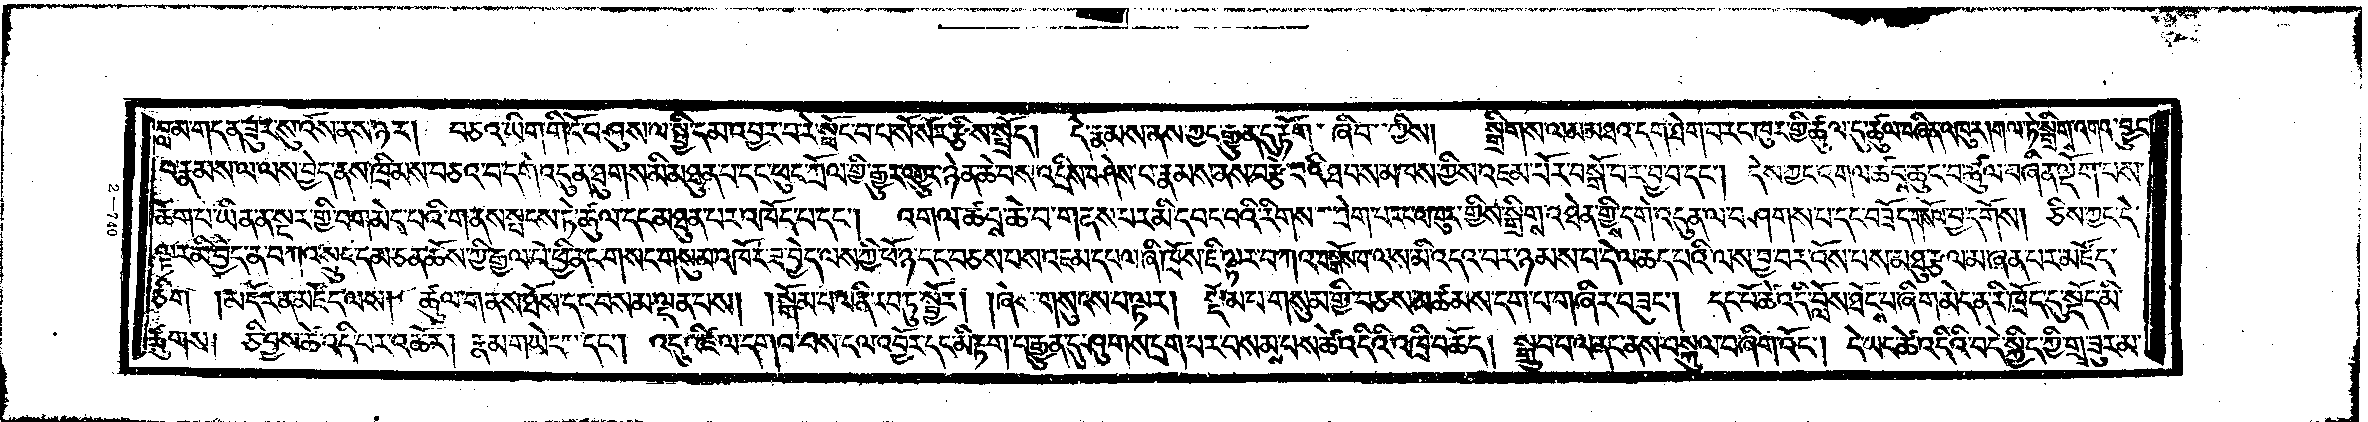བླ་མ་གདན་ཟུར་སུ་འོས་ནས་ཉར། བཅའ་ཡིག་གི་ངོ་བཤུས་ལ་སྤྱི་དམ་འབྱར་བ་རེ་སྤོང་བ་པ་སོ་སོར་རྩིས་སྤྲོད། དེ་རྣམས་ནས་ཀྱང་རྒྱུན་དུ་རྟོག་ཞིབ་ཀྱིས། སྒྲིགས་ལམ་མཐའ་དག་ཐེག་པ་རང་ཁྲུ་གྱི་ཚུལ་དུ་ཚུལ་བཞིན་འཁུར། གལ་ཏེ་སྒྲིགས་འགའ་བྱུང་
བ་རྣམས་ལ་ལས་བྱེད་ནས་ཁྲིམས་བཅའ་བ་དགེ་འདུན་ཐུགས་མི་མཐུན་པ་དང་ཕུང་ཀྲོལ་གྱི་རྒྱུར་འགྱུར་ཉེན་ཆེ་བས་འདྲིས་བཤེས་པ་རྣམས་ནས་བརྩེ་བའི་ཐབས་མཁས་ཀྱིས་འཇམ་པོར་བསྒོ་བར་བྱ་བ་དང་། དེས་ཀྱང་འགལ་ཚབས་ཆུང་བ་ཚུལ་བཞིན་ལྡོག་པས་
ཆོག་པ་ཡིན་ན་སྔར་གྱི་བག་མེད་པའི་གནས་སྤངས་ཏེ་ཚུལ་དང་མཐུན་པར་འཁོད་པ་དང་། འགལ་ཚབས་ཆེ་བ་གནས་པར་མི་དབང་བའི་རིགས་ལ་ཐེག་པ་རང་འཁུར་གྱིས་སྒྲིགས་འཐེན་གྱིས་དགེ་འདུན་ལ་བཤགས་པ་དང་བཟོད་གསོལ་བྱ་དགོས། ཅིས་ཀྱང་དེ་
ལྟར་མི་བྱེད་ན་བཀའ་སྲུང་དམ་ཅན་ཆོས་ཀྱི་རྒྱལ་པོ་ཕྱི་ནང་གསང་གསུམ་འཁོར་ཟ་བྱེད་ལས་ཀྱི་ཕོ་ཉ་དང་བཅས་པས་འཇམ་དཔལ་ཞི་ཁྲོས་ཇི་ལྟར་བཀའ་བསྒོས་བ་ལས་མི་འདའ་བར་ཉམས་པ་དེ་ལ་ཆད་པའི་ལས་བྱ་བར་འོས་པས་མཐུ་རྩ་ལམ་ཞན་པར་མཛོད་
ཅིག །མདོར་ན་མཛོད་ལས། ཚུལ་གནས་ཐོས་དང་བསམ་ལྡན་པས། །སྒོམ་པ་ལ་ནི་རབ་ཏུ་སྦྱོར། །ཞེས་གསུངས་པ་ལྟར། སྡོམ་པ་གསུམ་གྱི་བཅས་མཚམས་དག་པ་གཞིར་བཟུང་། དང་པོ་ཚེ་འདི་བློས་ཐོངས་པ་ཞིག་མེད་ན་རི་ཁྲོད་དུ་སྡོད་མི་
ཚུགས། ཅི་བྱས་ཚེ་འདི་པར་འཆོར། རྣམ་གཡེང་པ་དང་། འདུ་འཛི་ལ་དགའ་བས་ངལ་འབྱོར་དང་མི་རྟག་པ་རྒྱུན་དུ་ཤུགས་དྲག་པར་བསམས་པས་ཚེ་འདིའི་འཁྲི་བ་ཆོད། སྒྲུབ་པ་ལ་ནང་ནས་བསྐུལ་བ་ཞིག་འོང་། དེ་ཡང་ཚེ་འདིའི་བདེ་སྐྱིད་ཀྱི་གྲྭ་ཟུར་མ་